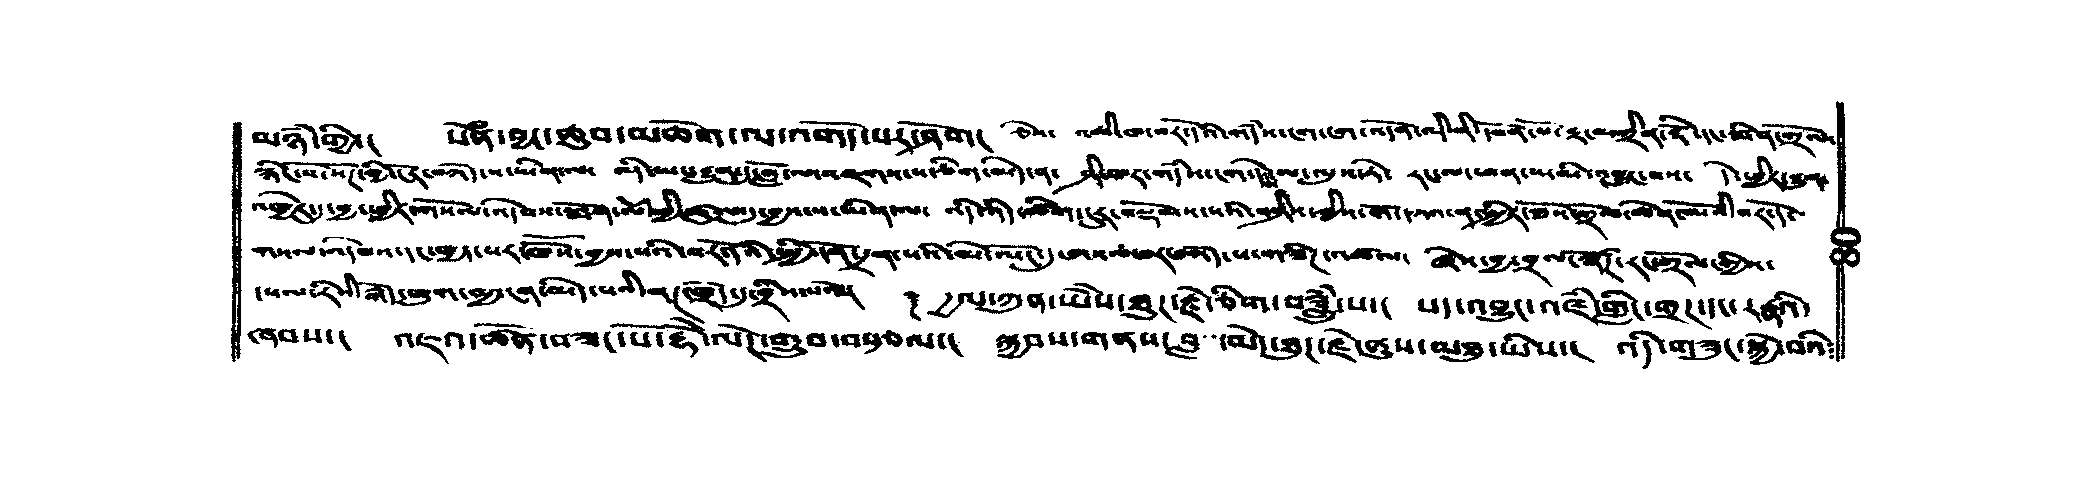མཉམ་གྱི། །སེམས་ཅན་བྱང་ཆུབ་མཆོག་ལ་འགོད་པར་ཤོག ཅེས་འཆི་ཁ་བར་དོའི་གདམས་ངག་ངག་འདོན་འདི་ནི་དབོན་པོ་རྟ་མགྲིན་རྡོ་རྗེ་དང་སྨིན་གྲོལ་
སྙིང་པོ་སོགས་ཀྱི་ངོར་བཀོད་པ་ཡིན་ལ། འདི་ཡང་རྒྱུན་དུ་བློ་ལ་འཇགས་པ་ཞིག་མེད་ན། ཤི་ཁར་གདམས་ངག་དེ་དཔེ་ལ་ལུས་ཏེ། རང་ལ་ཕན་པ་མི་འབྱུང་བས། དེ་ཕྱིར་རྒྱུན་
འཁྱེར་དུ་བྱ་ཕྱིར་གསོལ་འདེབས་སྨོན་ལམ་གྱི་ཚུལ་དུ་བྱས་པ་ཡིན་ལ།འདི་ཉིད་ཚིག་ཉུང་ངུར་བསྡོམས་པའི་བཤིས་ཀྱིས་གོ་དཀའ་ན་སྤྱིར་ཐོས་གྲོལ་ཆེན་མོའི་བར་དོ་
གསོལ་འདེབས་དང་ཁྱད་པར་ཁོ་བོས་བྱས་པའི་བར་དོའི་སྤྱི་དོན་དྲན་པའི་མེ་ལོང་དུ་གསལ་བར་བཀོད་པ་ལ་གཟིགས་འཚལ། ཞེས་བྱ་བྲལ་སྣ་ཚོགས་རང་གྲོལ་གྱིས་
དཔལ་རིའི་རྒོད་ཕུག་མྱ་ངན་མེད་པའི་ནགས་ཁྲོད་དུ་བྲིས་པའོ།། ༈ རྒྱལ་ཀུན་ཡེ་ཤེས་ཐུགས་རྗེ་གཅིག་བཟླུམ་པ། །པད་འབྱུང་འཛམ་གླིང་གྲགས་དང་རཏྣའི་
ཞབས། འཇའ་ཚོན་བཟང་པོ་རྡོ་རྗེ་ལེགས་གྲུབ་རྩལ། །སྐྱབས་གནས་བླ་མེད་ཐུགས་རྗེ་ནུས་མཐུ་ཡིས། འདི་བཟུང་སྐྱེ་བའི་